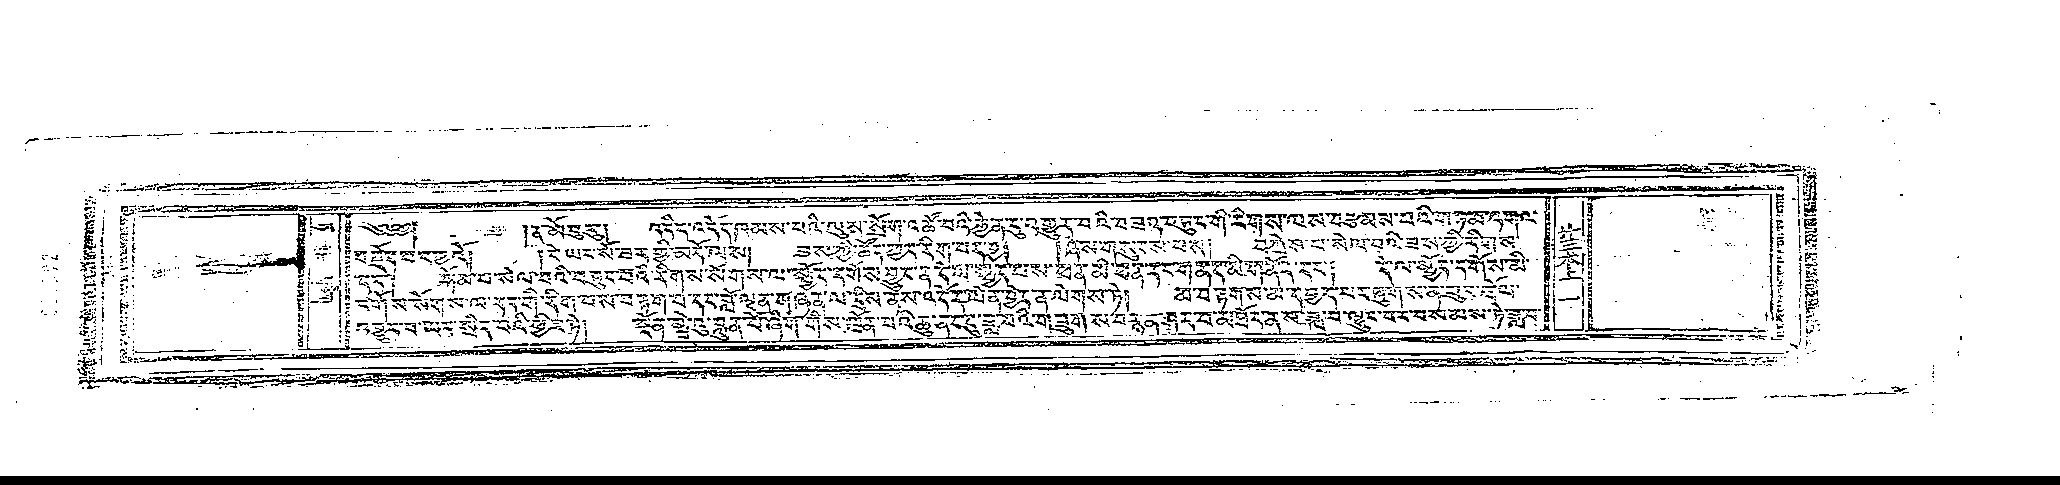༄༅༅། །ན་མོ་གུ་རུ། འདིར་འདོད་ཁམས་པའི་ལུས་སྲོག་འཚོ་བའི་རྐྱེན་དུ་འགྱུར་པའི་བཟའ་བཏུང་གི་རིགས་ལས་བརྩམས་པའི་གཏམ་འགའ་
བརྗོད་བར་བྱའོ། །དེ་ཡང་སོ་ཐར་གྱི་མདོ་ལས། ཟས་ཀྱི་ཚོད་ཀྱང་རིག་པར་བྱ། །ཞེས་གསུངས་པས། བཀྲེས་པ་སེལ་བའི་ཟས་ཀྱི་རིགས་
དང་། སྐོམ་པ་སེལ་བའི་བཏུང་བའི་རིགས་སོགས་ལ་སྤྱོད་དགོས་བྱུང་ན་དེ་ལ་སྤྱད་པས་ཕན་མི་ཕན་དང་གནོད་མི་གནོད་དང་། དེ་ལ་སྤྱོད་དགོས་མི་
དགོས་སོགས་ལ་རང་གི་རིག་པས་བརྟག་པ་དང་བློ་ལྡན་གཞན་ལ་དྲིས་ནས་འདོར་ལེན་བྱེད་ན་ལེགས་ཏེ། མ་བརྟགས་མ་དཔྱད་པར་ཞུགས་ན་ཕུང་ཁྲོལ་
འགྱུར་བ་ཡང་སྲིད་བའི་ཕྱིར་ཏེ། སྔོན་སྤྲེ་འུ་བླུན་པོ་ཞིག་གིས་ཁྲོན་པའི་ཆུ་ནང་དུ་ཟླ་བའི་གཟུགས་བརྙན་ཤར་བ་མཐོང་ནས་ཟླ་བ་ལྷུང་བར་བསམས་ཏེ་ཟླ་བ་